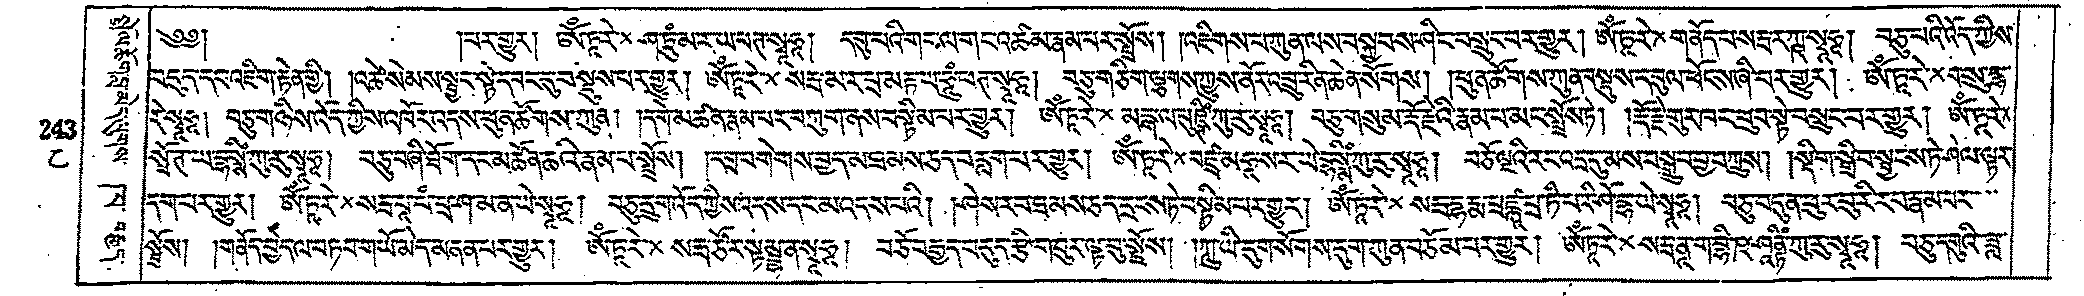༄༅། །པར་གྱུར། ཨོཾ་ཏཱ་རེ་྾་ཤ་ཏྲུཾ་མ་ར་ཡ་ཕཊ་སྭཱཧཱ། དགུ་པའི་གང་ལ་གང་འཚམ་རྣམ་པར་སྤྲོས། །འཇིགས་པ་ཀུན་ལས་བསྐྱབས་ཤིང་བསྲུང་བར་གྱུར། ཨོཾ་ཏཱ་རེ་྾་གནོད་པ་སརྦ་རཀྵ་སྭཱཧཱ། བཅུ་པའི་འོད་ཀྱིས་
བདུད་དང་འཇིག་རྟེན་གྱི། །འཚེ་སེམས་སྦྱང་སྟེ་དབང་དུ་བསྡུས་པར་གྱུར། ཨོཾ་ཏཱ་རེ་྾་སརྦ་མ་ར་པྲ་མ་རྟ་ཡ་ཧཱུཾ་ཕཊ་སྭཱཧཱ། བཅུ་གཅིག་ལྕགས་ཀྱུས་ནོར་འབྲུ་རིན་ཆེན་སོགས། །ཕུན་ཚོགས་ཀུན་བསྡུས་དབུལ་ཕོངས་ཞི་བར་གྱུར། ཨོཾ་ཏཱ་རེ་྾་བ་སུ་དྷ་་་
རེ་སྭཱཧཱ། བཅུ་གཉིས་འོད་ཀྱིས་འཁོར་འདས་ཕུན་ཚོགས་ཀུན། །དགེ་མཚན་རྣམ་པར་བཀུག་ནས་བསྟིམ་པར་གྱུར། ཨོཾ་ཏཱ་རེ་྾་མངྒ་ལ་པུཥྚིཾ་ཀུ་རུ་སྭཱཧཱ། བཅུ་གསུམ་རྡོ་རྗེའི་རྣམ་པ་མང་སྤྲོས་ཏེ། །རྡོ་རྗེ་གུར་ཁང་ཕྲུབ་སྟེ་བསྲུང་བར་གྱུར། ཨོཾ་ཏཱ་རེ་྾་
སྥོ་ཊ་ཡ་བྷ་སྨིཾ་ཀུ་རུ་སྭཱཧཱ། བཅུ་བཞི་ཐོག་དང་མཚོན་ཆའི་རྣམ་པ་སྤྲོས། །དགྲ་བགེགས་བྱད་མ་ཐམས་ཅད་བརླག་པར་གྱུར། ཨོཾ་ཏཱ་རེ་྾་བཛྲ་མཧཱ་ས་ར་ཡེ་བྷ་སྨིཾ་ཀུ་རུ་སྭཱཧཱ། བཅོ་ལྔའི་རང་འདྲ་དུ་མས་བསྒྲུབ་བྱ་བཀྲུས། །སྡིག་སྒྲིབ་སྦྱངས་ཏེ་ཤེལ་ལྟར་
དག་པར་གྱུར། ཨོཾ་ཏཱ་རེ་྾་སརྦ་པཱ་པཾ་པྲ་ཤ་མ་ན་ཡེ་སྭཱཧཱ། བཅུ་དྲུག་འོད་ཀྱིས་འདས་དན་མ་འདས་པའི། །ཤེས་རབ་ཐམས་ཅད་དྲངས་ཏེ་བསྟིམ་པར་གྱུར། ཨོཾ་ཏཱ་རེ་྾་སརྦ་དྷརྨ་པྲཛྙཱ་པྲ་ཏི་པ་རི་ཤོ་དྷ་ཡེ་སྭཱཧཱ། བཅུ་བདུན་ཕུར་བུ་རི་རབ་རྣམ་པར་་་
སྤྲོས། །གནོད་བྱེད་ལ་བཏབ་གཡོ་མེད་མནན་པར་གྱུར། ཨོཾ་ཏཱ་རེ་྾་སརྦ་ཙོ་ར་སྟམྦྷ་ན་སྭཱཧཱ། བཅོ་བརྒྱད་བདུད་རྩི་ག་བུར་ལྟ་བུ་སྤྲོས། །ཀླུ་ཡི་དུག་སོགས་དུག་ཀུན་བཅོམ་པར་གྱུར། ཨོཾ་ཏཱ་རེ་྾་སརྦ་ནཱ་ག་བྷི་ཥ་ཤཱནྟིཾ་ཀུ་རུ་སྭཱཧཱ། བཅུ་དགུའི་ཟླ་་་